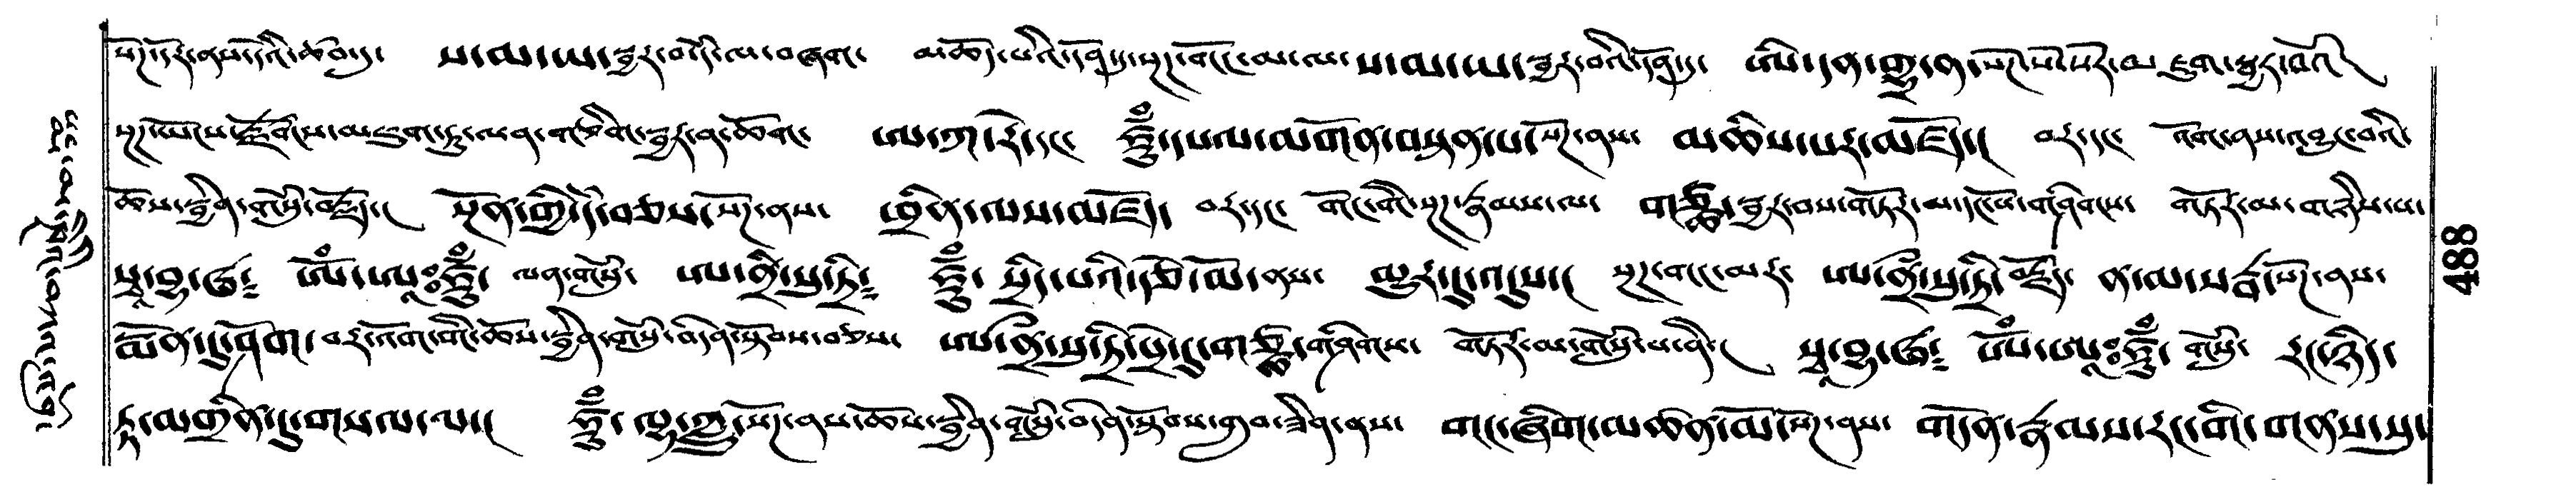སོགས་དོར་ནས་དེའི་ཚབ་དུ། ས་མ་ཡ༴ སྦྱར་བས་དམ་ལ་བཞག མཆོད་པའི་དོན་དུ་སྔགས་གོང་མ་ལ། ས་མ་ཡ༴ སྦྱར་བའི་དོན་དུ། ཨི་དན་གྷྲི་ན༴ སོགས་སོ་སོར་མཇུག་སྦྱར་བའམ། 
སྔགས་ཡོངས་རྫོགས་མཇུག་ཏུ་ལན་གཅིག་སྦྱར་ན་ཆོག ཨ་ཀ་རོ༴ དང་། ཧཱུྃ། དཔལ་མགོན་བསྟན་པ༴ སོགས་ནས། མཆིས་པར་མཛོད། བར་དང་། འོག་ནས་འབྱུང་བའི་
ཆོས་སྦྱིན་གསུམ་བརྗོད། སྔོན་གྱི་དམ་བཅས༴ སོགས་ནས། ཕྲིན་ལས་མཛོད། བར་དང་། གོང་གི་སྔགས་རྣམས་ལ། གཙྪ༴ སྦྱར་བས་གཏོར་མ་དང་པོ་གཤེགས། གཏོར་མ་གཉིས་པ། 
སྭ་བྷ་ཝ༴ ཨོཾ་ཨཱཿཧཱུྃ། ལན་གསུམ། ཨ་ནྲི་སུ་ཏྲི༴ ཧཱུྃ། སྲིད་པའི་རྩེ་མོ༴ ནས། མྱུར་དུ་འདུས། སྔགས་གོང་མར། ཨ་ནྲི་སུ་ཏྲི༴ བརྗོད། ན་མ་སརྦ༴ སོགས་ནས། 
སྨོན་དུ་ཤོག བར་འོག་གི་ཆོས་སྦྱིན་གསུམ་དང་བདེན་སྟོབས་བཅས། ཨ་ནྲྀ་སུ་ཏྲི་པྲེ་དུ་གཙྪ༴ གཤེགས། གཏོར་མ་གསུམ་པ་ནི། སྭ་བྷ་ཝ༴ ཨོཾ་ཨཱཿཧཱུྃ། གསུམ། རང་ཉིད་
རྟ་མགྲིན་དུ་གསལ་ལ། ཧཱུྃ། ལྷ་ཀླུ༴ སོགས་ནས་ཆོས་སྦྱིན་གསུམ་བདེན་སྟོབས་བཅས་གྲུབ་ཟིན་ནས། གང་ཞིག་མཚན་མོ༴ སོགས་ནས། གདོན་རྣམས་རང་གི་གནས་སུ་